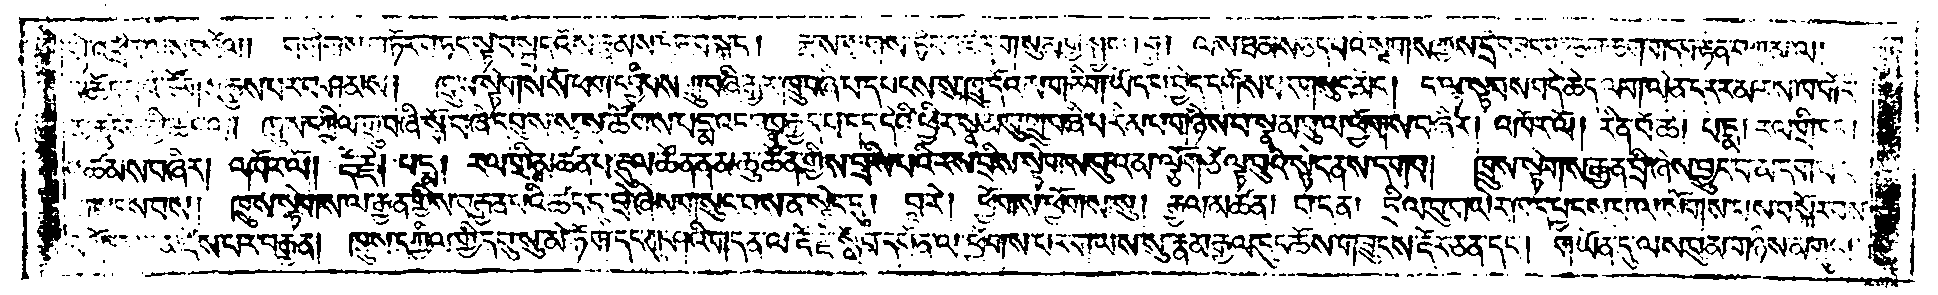སྟེ་འཕྲིན་ལས་བཅོལ། བགེགས་གཏོར་བཏང་སྟེ་བསྐྲད་འོས་རྣམས་ཕྱིར་བསྐྲད། རྫས་སྔགས་ཏིང་འཛིན་གསུམ་གྱི་སྦྱང་བ་བྱ། ལས་ཐམས་ཅད་པའི་སྔགས་ཀྱིས་དྲི་བཟང་གི་ཆག་ཆག་གདབ་རྟེན་བཀྲམ་ལ།
མཆོད་པའི་ཚོགས་རྒྱས་པར་བཤམས། ཁྲུས་སྟེགས་སོ་ཕག་དབྱིབས་གྲུ་བཞི་རྒྱར་ཁྲུ་བཞི་པ་དཔངས་སུ་ཁྲུ་དོའམ་གཅིག་ཡོད་པ་བྱེད་དགོས་པར་གསུང་མོད། ད་ལྟ་སྟབས་བདེ་ཆེད་ལག་ལེན་དར་རམ་རས་ཁ་གོང་
མཚུངས་ཀྱི་ཚད་ལ། ཁྲུས་དཀྱིལ་གྲུ་བཞི་སྒོ་བཞི་དབུས་སུ་སྣ་ཚོགས་པདམ་འདབ་མ་བརྒྱད་པ་དང་དེའི་ཕྱིར་སྣམ་བུ་གྲུ་བཞི་པ་རིམ་པ་གཉིས་པ་སྣམ་བུ་ལ་ཕྱོགས་བཞིར། འཁོར་ལོ། རིན་པོ་ཆེ། པདམ། རལ་གྲི་དང་།
འཚམས་བཞིར། འཁོར་ལོ། རྡོ་རྗེ། པདམ། རལ་གྲིས་མཚན་པ་རྡུལ་ཚོན་ནམ་ཆུ་ཚོན་གྱིས་བྲིས་པའི་རས་བྲིས་སྟེགས་བུ་འམ་ལྕོག་ཙེ་ལྟ་བུའི་སྟེང་ནས་དག་པ། ཁྲུས་སྟེགས་རྒྱན་བྲི་ཞེས་བྱུང་བ་མ་དག་པར་
གསུངས་བས། ཁྲུས་སྟེགས་ལ་རྒྱན་གྱིས་བརྒྱན་པའི་ཚད་དུ་བྲེ་ཞེས་གསུང་བས་ན་སྟེང་དུ། བླ་རེ། ཕྱོགས་ཕྱོགས་སུ། རྒྱལ་མཚན། བ་དན། དྲིལ་བུ་གཡེར་ཁ་དཔྱངས་པ་ལ་སོགས་པས་བསྐོར་བས་
བཀོད་པ་མཛེས་པར་བརྒྱན། ཁྲུས་དཀྱིལ་གྱི་དབུ་སུ་མེ་ཏོག་དང་ཀུ་ཤའི་གདན་ལ་རྡོ་རྗེ་སློབ་དཔོན་ལ་ཕྱོགས་པར་གཡས་སུ་རྣམ་རྒྱལ་དུང་ཆོས་གཟུངས་རྡོར་ཅན་དང་། གཡོན་དུ་ལས་བུམ་གཉིས་མགུལ་